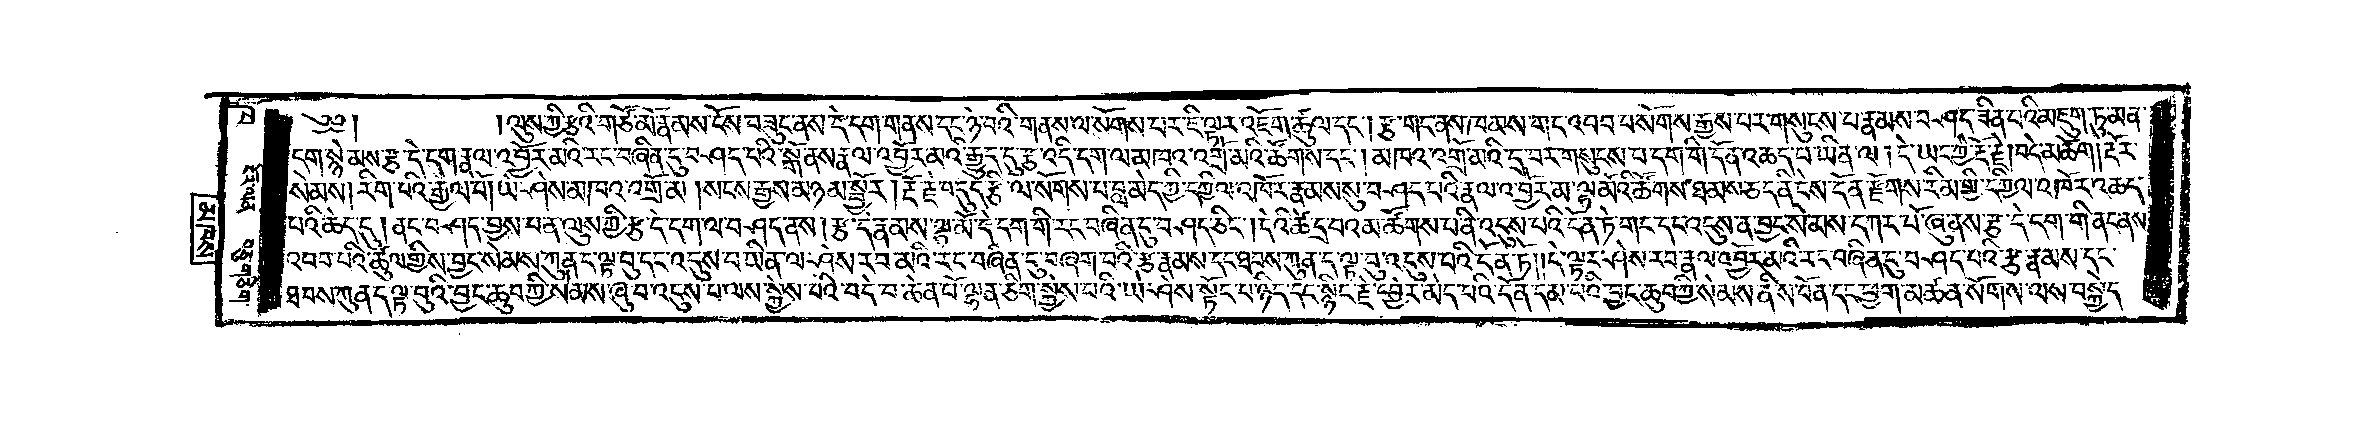{ངོར་ལན}་༄༅། །ལུས་ཀྱི་རྩའི་གཙོ་མོ་རྣམས་ངོས་བཟུང་ནས་དེ་དག་གནས་དང་ཉེ་བའི་གནས་ལ་སོགས་པར་ཇི་ལྟར་འཇོག་ཚུལ་དང་། རྩ་གང་ནས་ཁམས་གང་འབབ་པ་སོགས་རྒྱས་པར་གསུངས་པ་རྣམས་བཤད་ཟིན་པའི་མཇུག་ཏུ་མན་
ངག་སྙེ་མས་རྩ་དེ་དག་རྣལ་འབྱོར་མའི་རང་བཞིན་དུ་བཤད་པའི་སྒོ་ནས་རྣལ་འབྱོར་མའི་རྒྱུད་དུ་རྩ་འདི་དག་ལ་མཁའ་འགྲོ་མའི་ཚོགས་དང་། མཁའ་འགྲོ་མའི་དྲ་བར་གསུངས་པ་དག་གི་དོན་འཆད་པ་ཡིན་ལ། དེ་ཡང་ཀྱཻ་རྡོ་རྗེ། བདེ་མཆོག། རྡོར་
སེམས། རིག་པའི་རྒྱལ་པོ། ཡེ་ཤེས་མཁའ་འགྲོ་མ། སངས་རྒྱས་མཉམ་སྦྱོར། རྡོ་རྗེ་བདུད་རྩི་ལ་སོགས་པ་བླ་མེད་ཀྱི་དཀྱིལ་འཁོར་རྣམས་སུ་བཤད་པའི་རྣལ་འབྱོར་མ་ལྷ་མོའི་ཚོགས་ཐམས་ཅད་ནི་ངེས་དོན་རྫོགས་རིམ་གྱི་དཀྱིལ་འཁོར་འཆད་
པའི་ཆེད་དུ། ནང་བཤད་བྱས་པ་ན་ལུས་ཀྱི་རྩ་དེ་དག་ལ་བཤད་ནས། རྩ་དེ་རྣམས་ལྷ་མོ་དེ་དག་གི་རང་བཞིན་དུ་བཤད་ཅིང་། དེའི་ཚེ་དྲ་བའམ་ཚོགས་པ་ནི་འདུས་པའི་དོན་ཏེ་གང་དང་འདུས་ན་བྱང་སེམས་དཀར་པོ་ཞུ་ནས་རྩ་དེ་དག་གི་ནང་ནས་
འབབ་པའི་ཚུལ་གྱིས་བྱང་སེམས་ཀུན་དེ་ལྟ་བུ་དང་འདུས་པ་ཡིན་ལ་ཤེས་རབ་མའི་རང་བཞིན་དུ་བཞག་པའི་རྩ་རྣམས་དང་ཐབས་ཀུན་དེ་ལྟ་བུ་འདུས་པའི་དོན་ཏོ། །དེ་ལྟར་ཤེས་རབ་རྣལ་འབྱོར་མའི་རང་བཞིན་དུ་བཤད་པའི་རྩ་རྣམས་དང་
ཐབས་ཀུན་ད་ལྟ་བུའི་བྱང་ཆུབ་ཀྱི་སེམས་ཞུ་བ་འདུས་པ་ལས་སྐྱེས་པའི་བདེ་བ་ཆེན་པོ་ལྷན་ཅིག་སྐྱེས་པའི་ཡེ་ཤེས་སྟོང་པ་ཉིད་དང་སྙིང་རྗེ་དབྱེར་མེད་པའི་དོན་དམ་པའི་བྱང་ཆུབ་ཀྱི་སེམས་ནི་ས་བོན་དང་ཕྱག་མཚན་སོགས་ལས་བསྐྱེད་